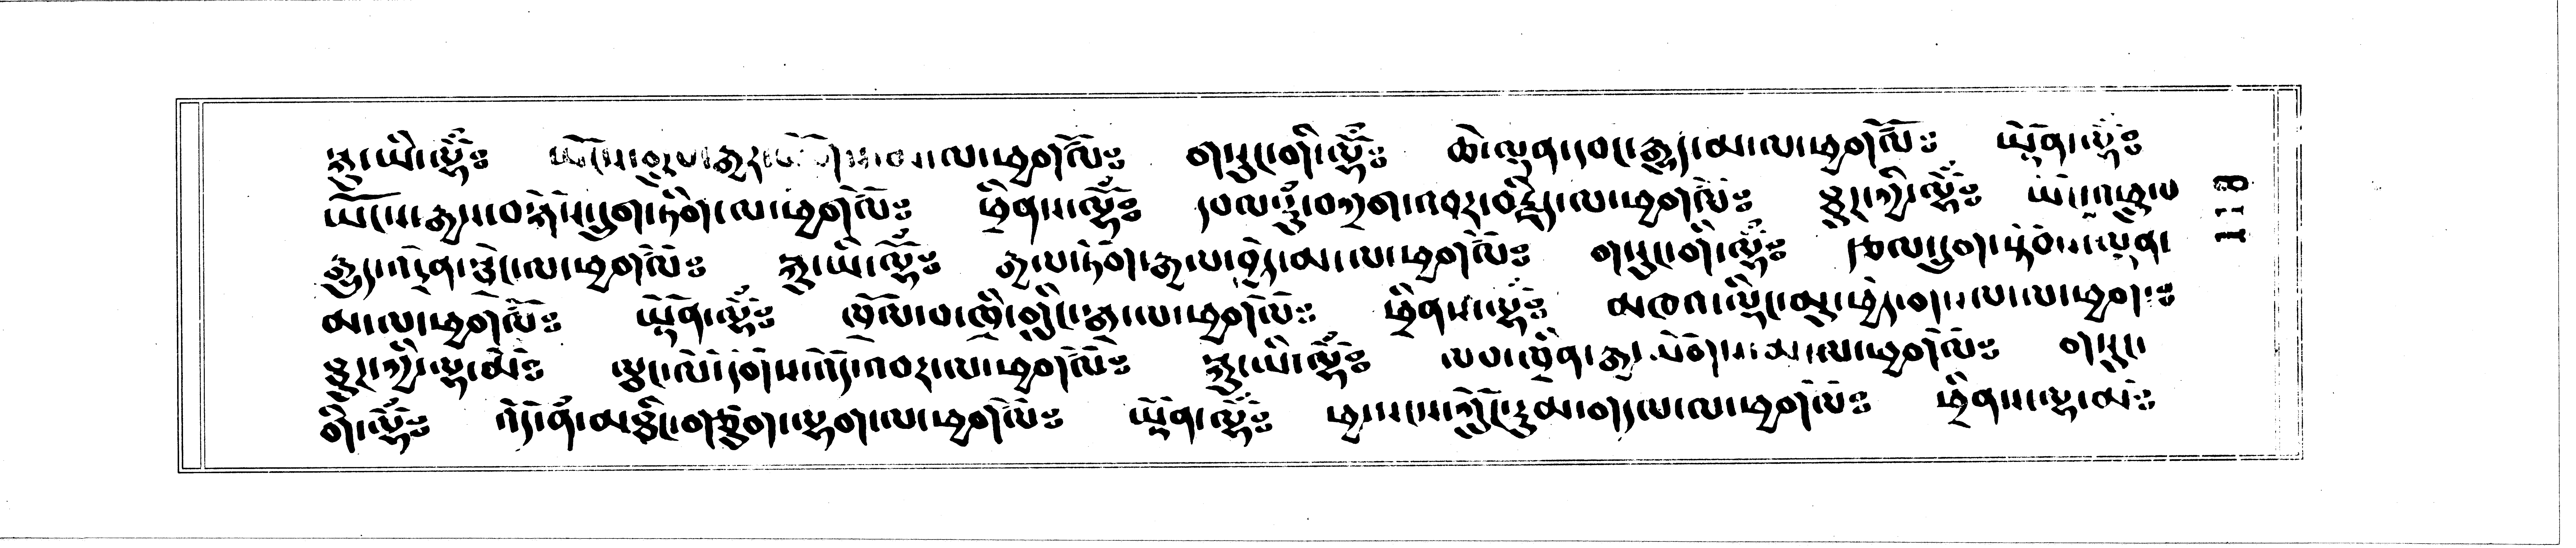སྐུ་ཡི་ལྷ་མོཿ ཡོངས་གྲུབ་རྒྱར་གཡོགས་མ་ལ་ཕྱག་འཚལ་ལོཿ གསུང་གི་ལྷ་མོཿ ཆེ་ལྡན་དབང་རྒྱུད་མ་ལ་ཕྱག་འཚལ་ལོཿ ཡོན་ཏན་གྱི་ལྷ་མོཿ 
ཡོངས་རྒྱས་སྐོས་དྲུག་ཏིག་ལ་ཕྱག་འཚལ་ལོཿ ཕྲིན་ལས་ཀྱི་ལྷ་མོཿ དབལ་རུམ་བཀྲག་འབར་བརྗིད་ལ་ཕྱག་འཚལ་ལོཿ ཐུགས་ཀྱི་ལྷ་མོཿ ཡོངས་འཕྲུལ་
རྒྱུད་འདྲེན་སྦྲེང་ལ་ཕྱག་འཚལ་ལོཿ སྐུ་ཡི་ལྷ་མོཿ རྒྱལ་ཏོག་རྒྱལ་བྱེད་མ་ལ་ཕྱག་འཚལ་ལོཿ གསུང་གི་ལྷ་མོཿ རངྩལ་དསྲུག་སྟོབས་ལྡན་
མ་ལ་ཕྱག་འཚལ་ལོཿ ཡོན་ཏན་གྱི་ལྷ་མོཿ ཁྲོལ་བ་ཁྲི་ལིང་སྒྲ་ལ་ཕྱག་འཚལ་ལོཿ ཕྲིན་ལས་ཀྱི་ལྷ་མོཿ མཁའ་ལྡིང་མུ་ཕྱོད་གསལ་ལ་ཕྱག་འཚལ་ལོཿ
 ཐུགས་ཀྱི་ལྷ་མོཿ ལྕང་ལོ་ཐོག་འོད་འབར་ལ་ཕྱག་འཚལ་ལོཿ སྐུ་ཡི་ལྷ་མོཿ ལབ་ཁྲིན་རྒྱར་གཡོགས་མ་ལ་ཕྱག་འཚལ་ལོཿ གསུང་
གི་ལྷ་མོཿ འོད་ནམ་མཐིང་གཙུག་ལྷག་ལ་ཕྱག་འཚལ་ལོཿ ཡོན་ཏན་གྱི་ལྷ་མོཿ ཕྱ་སངས་ཀློང་རུམ་བདལ་ལ་ཕྱག་འཚལ་ལོཿ ཕྲིན་ལས་ཀྱི་ལྷ་མོཿ